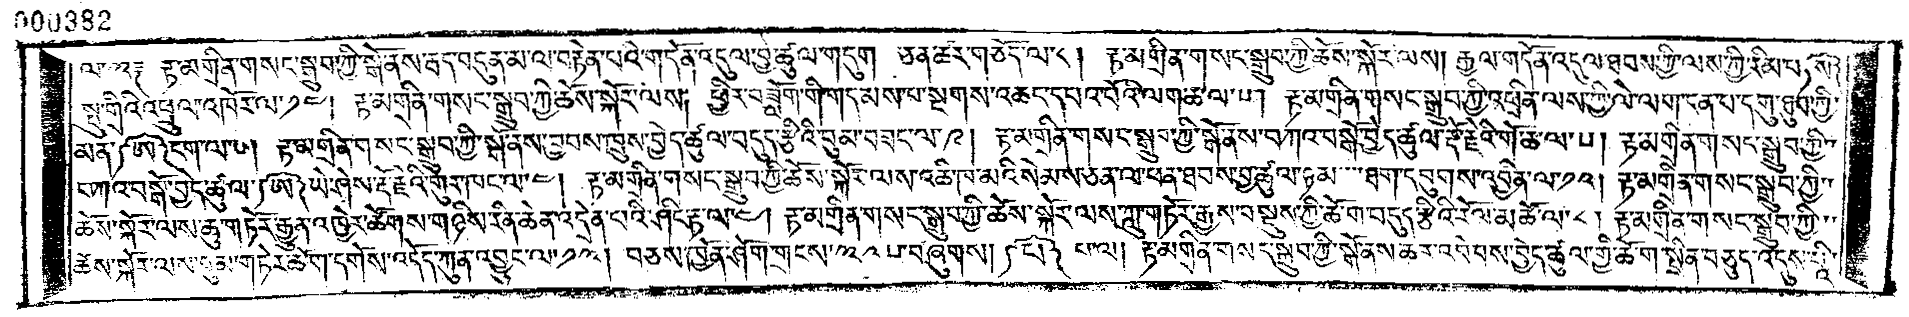ལ ༣༑ རྟ་མགྲིན་གསང་སྒྲུབ་ཀྱི་སྒོ་ནས་རྦད་བདུན་མ་ལ་བརྟེན་པའི་གདོན་འདུལ་བྱ་ཚུལ་གདུག་ཅན་ཚར་གཅོད་ལ ༨། རྟ་མགྲིན་གསང་སྒྲུབ་ཀྱི་ཆོས་སྐོར་ལས། རྒྱལ་གདོན་འདུལ་ཐབས་ཀྱི་ལས་ཀྱི་རིམ་པ ༼ས༽
སྤུ་གྲིའི་འཕྲུལ་འཁོར་ལ ༡༤། རྟ་མགྲིན་གསང་སྒྲུབ་ཀྱི་ཆོས་སྐོར་ལས། ཕྱིར་བཟློག་གི་གདམས་པ་སྔགས་འཆང་དཔའ་བོའི་ལག་ཆ་ལ ༥། རྟ་མགྲིན་གསང་སྒྲུབ་ཀྱི་འཕྲིན་ལས་ཀྱི་ལེ་ལག་ངན་པ་དགུ་ཐུབ་ཀྱི་
མན ༼ཨ༽ ངག་ལ ༦། རྟ་མགྲིན་གསང་སྒྲུབ་ཀྱི་སྒོ་ནས་བྱབས་ཁྲུས་བྱེད་ཚུལ་བདུད་རྩིའི་བུམ་བཟང་ལ ༩། རྟ་མགྲིན་གསང་སྒྲུབ་ཀྱི་སྒོ་ནས་བཀའ་བསྒོ་བྱེད་ཚུལ་རྡོ་རྗེའི་གོ་ཆ་ལ ༥། རྟ་མགྲིན་གསང་སྒྲུབ་ཀྱི་
བཀའ་བསྒོ་བྱེད་ཚུལ ༼ཨ༽ ཡེ་ཤེས་རྡོ་རྗེའི་གུར་ཁང་ལ ༤། རྟ་མགྲིན་གསང་སྒྲུབ་ཀྱི་ཆོས་སྐོར་ལས་འཆི་ཁ་མའི་སེམས་ཅན་ལ་ཕན་ཐབས་བྱ་ཚུལ་ཉམ་ཐག་དབུགས་འབྱིན་ལ ༡༢། རྟ་མགྲིན་གསང་སྒྲུབ་ཀྱི་
ཆོས་སྐོར་ལས་ཆུ་གཏོར་རྒྱུན་འཁྱེར་ཚོགས་གཉིས་རིན་ཆེན་འདྲེན་པའི་ཤིང་རྟ་ལ ༤། རྟ་མགྲིན་གསང་སྒྲུབ་ཀྱི་ཆོས་སྐོར་ལས་ཀླུ་གཏོར་རྒྱས་བསྡུས་ཀྱི་ཆོ་ག་བདུད་རྩིའི་རོལ་མཚོ་ལ ༨། རྟ་མགྲིན་གསང་སྒྲུབ་ཀྱི་
ཆོས་སྐོར་ལས་བུམ་གཏེར་ཆོ་ག་དགོས་འདོད་ཀུན་འབྱུང་ལ ༡༣། བཅས་ཁྱོན་ཤོག་གྲངས ༣༢༥་བཞུགས། ༼པ༽ པ་ལ། རྟ་མགྲིན་གསང་སྒྲུབ་ཀྱི་སྒོ་ནས་ཆར་འབེབས་བྱེད་ཚུལ་གྱི་ཆོ་ག་སྤྲིན་བཅུད་འདུས་པཱི་